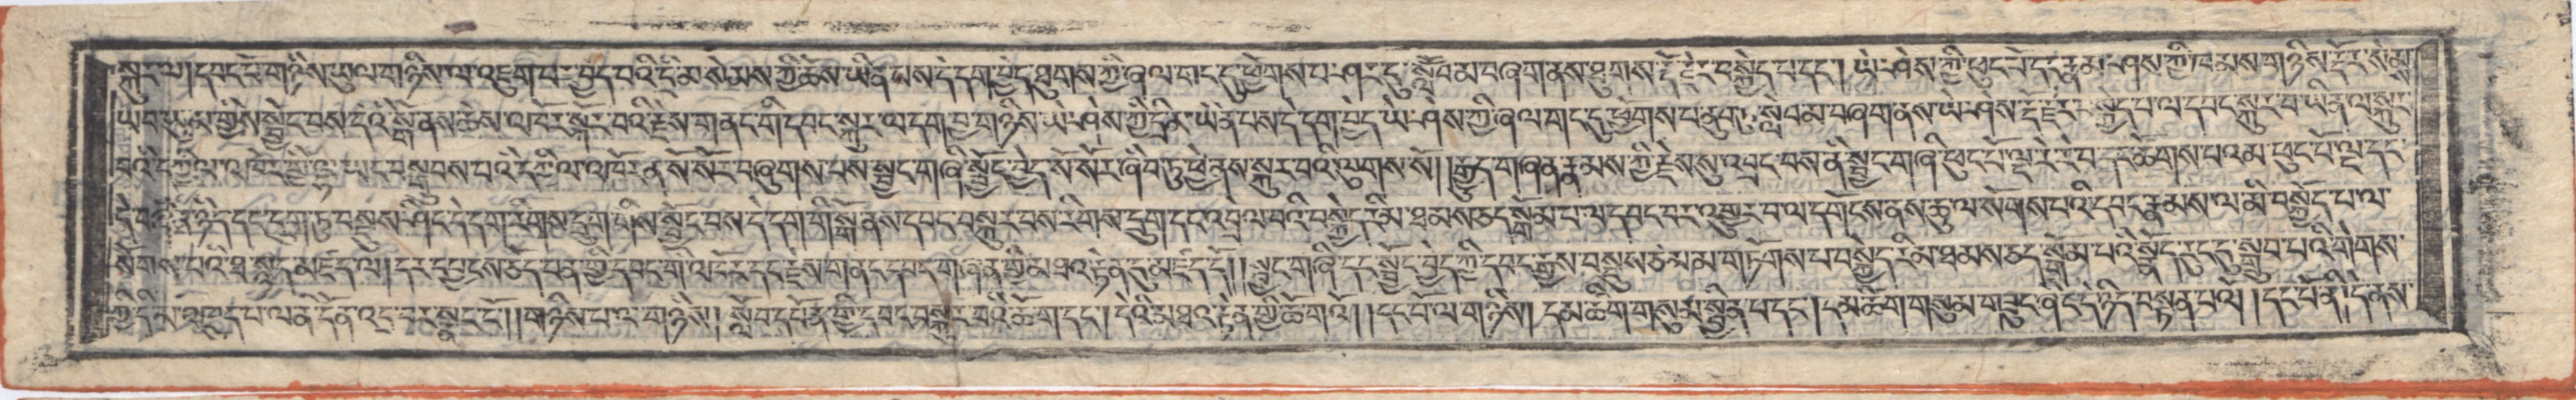སྐུར་ལ། དབང་པོ་གཉིས་ཡུལ་གཉིས་ལ་འཇུག་པར་བྱད་པའི་དྲི་མ་སེམས་ཀྱི་ཆོས་ཡིན་པས་དེ་དག་བྱེད་ཐུགས་ཀྱི་ཞལ་གང་དུ་ཕྱོགས་པ་ཤར་དུ་སློབ་མ་བཞག་ནས་ཐུགས་རྡོ་རྗེར་བསྐྱེད་པ་དང་། ཡེ་ཤེས་ཀྱི་ཕུང་པོ་དང་རྣམ་ཤེས་ཀྱི་ཁམས་གཉིས་རྡོར་སེམས་
ཡབ་ཡུམ་གྱིས་སྦྱོང་བས་དེའི་སྒོ་ནས་ཆེས་འཁོར་སྐོར་བའི་རྗེས་གནང་གི་དབང་སྐུར་ལ་དག་བྱ་གཉིས་ཡེ་ཤེས་ཀྱི་དྲི་མ་ཡིན་པས་དེ་དག་བྱེད་ཡེ་ཤེས་ཀྱི་ཞལ་གང་དུ་ཕྱོགས་པ་ནུབ་ཏུ་སློབ་མ་བཞག་ནས་ཡེ་ཤེས་རྡོ་རྗེར་བསྐྱེད་པ་ལ་དབང་སྐུར་བ་ཡིན་ལ་སྐུར་
བའི་དཀྱིལ་འཁོར་གྱི་ལྷ་ཡང་བསྒྲུབས་པའི་དཀྱིལ་འཁོར་ན་སོ་སོར་བཞུགས་པས་སྦྱང་གཞི་སྦྱོང་བྱེད་སོ་སོར་ཞིབ་ཏུ་ཕྱེ་ནས་སྐུར་བའི་ལུགས་སོ། །རྒྱུད་གཞན་རྣམས་ཀྱི་རྗེས་སུ་འབྲང་བས་ནི་སྦྱང་གཞི་ཕུང་པོ་ལྔ་རེ་རེ་བ་དང་ཚོགས་པའམ་ཕུང་པོ་ལྔ་དང་
དེ་བཞིན་ཉིད་དང་དྲུག་ཏུ་བསྡུས་ཤིང་དེ་དག་རིགས་དྲུག་གིས་སྦྱོང་བས་དེ་དག་གི་སྒོ་ནས་དབང་བསྐུར་བས་རིགས་དྲུག་དང་འབྲེལ་བའི་བསྐྱེད་རིམ་ཐམས་ཅད་སྒོམ་པ་ལ་དབང་བར་འགྱུར་བ་ལ་དགོངས་ནས་ཆུ་ལ་སོགས་པའི་དབང་རྣམས་ལ་མི་བསྐྱོད་པ་ལ་
སོགས་པའི་ཐ་སྙད་མཛད་ལ། དར་དཔྱངས་ཅོད་པན་གྱི་དབང་གི་འཁོར་དང་རྗེས་གནང་དབང་གཞན་གྱི་མཐའ་རྟེན་དུ་མཛད་དོ། །སྦྱང་གཞི་དང་སྦྱོང་བྱེད་ཀྱི་དབང་རྒྱས་བསྡུས་ཙམ་མ་གཏོགས་པ་བསྐྱེད་རིམ་ཐམས་ཅད་སྒོམ་པའི་སྣོད་རུང་དུ་སྒྲུབ་པའི་གེགས་
ཀྱི་དྲི་མ་འཁྲུད་པ་ལ་ནི་དོན་འདྲ་བར་སྣང་ངོ། །གཉིས་པ་ལ་གཉིས། སློབ་དཔོན་གྱི་དབང་བསྐུར་བའི་ཆོ་ག་དང་། དེའི་མཐའ་རྟེན་གྱི་ཆོ་གའོ། །དང་པོ་ལ་གཉིས། དམ་ཚིག་གསུམ་སྦྱིན་པ་དང་། དམ་ཚིག་གསུམ་གཟུང་ཞིང་དེ་ཉིད་བསྟན་པའོ། །དང་པོ་ནི། དེ་ནས་